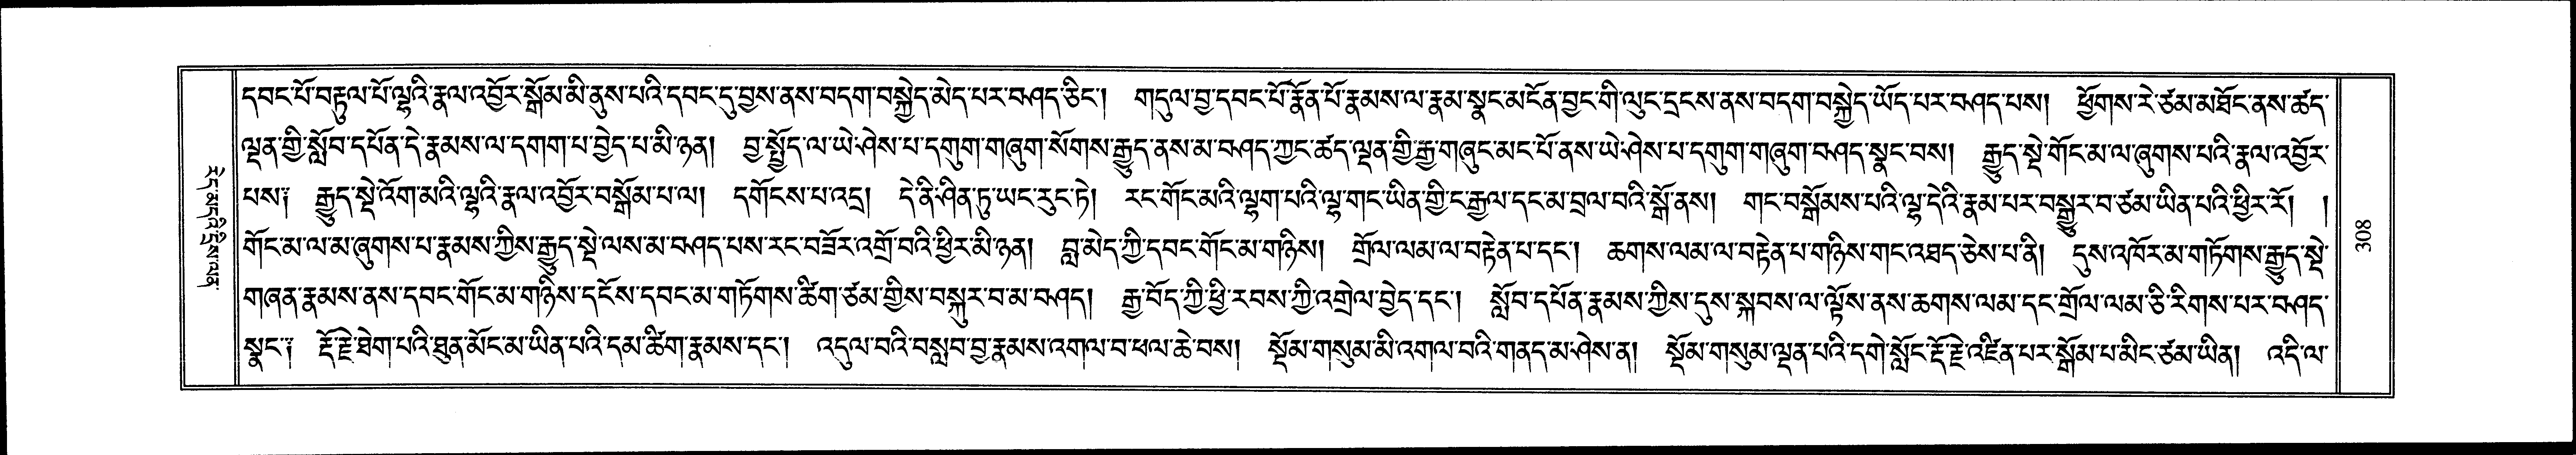དབང་པོ་བརྟུལ་པོ་ལྷའི་རྣལ་འབྱོར་སྒོམ་མི་ནུས་པའི་དབང་དུ་བྱས་ནས་བདག་བསྐྱེད་མེད་པར་བཤད་ཅིང་། གདུལ་བྱ་དབང་པོ་རྣོན་པོ་རྣམས་ལ་རྣམ་སྣང་མངོན་བྱང་གི་ལུང་དྲངས་ནས་བདག་བསྐྱེད་ཡོད་པར་བཤད་པས། ཕྱོགས་རེ་ཙམ་མཐོང་ནས་ཚད་
ལྡན་གྱི་སློབ་དཔོན་དེ་རྣམས་ལ་དགག་པ་བྱེད་པ་མི་ཉན། བྱ་སྤྱོད་ལ་ཡེ་ཤེས་པ་དགུག་གཞུག་སོགས་རྒྱུད་ནས་མ་བཤད་ཀྱང་ཚད་ལྡན་གྱི་རྒྱ་གཞུང་མང་པོ་ནས་ཡེ་ཤེས་པ་དགུག་གཞུག་བཤད་སྣང་བས། རྒྱུད་སྡེ་གོང་མ་ལ་ཞུགས་པའི་རྣལ་འབྱོར་
པས། རྒྱུད་སྡེ་འོག་མའི་ལྷའི་རྣལ་འབྱོར་བསྒོམ་པ་ལ། དགོངས་པ་འདྲ། དེ་ནི་ཤིན་ཏུ་ཡང་རུང་ཏེ། རང་གོང་མའི་ལྷག་པའི་ལྷ་གང་ཡིན་གྱི་ང་རྒྱལ་དང་མ་བྲལ་བའི་སྒོ་ནས། གང་བསྒོམས་པའི་ལྷ་དེའི་རྣམ་པར་བསྒྱུར་བ་ཙམ་ཡིན་པའི་ཕྱིར་རོ། །
གོང་མ་ལ་མ་ཞུགས་པ་རྣམས་ཀྱིས་རྒྱུད་སྡེ་ལས་མ་བཤད་པས་རང་བཟོར་འགྲོ་བའི་ཕྱིར་ཀི་ཉན། བླ་མེད་ཀྱི་དབང་གོང་མ་གཉིས། གྲོལ་ལམ་ལ་བརྟེན་པ་དང་། ཆགས་ལམ་ལ་བརྟེན་པ་གཉིས་གང་འཐད་ཅེས་པ་ནི། དུས་འཁོར་མ་གཏོགས་རྒྱུད་སྡེ་
གཞན་རྣམས་ནས་དབང་གོང་མ་གཉིས་དངོས་དབང་མ་གཏོགས་ཚིག་ཙམ་གྱིས་བསྐུར་བ་མ་བཤད། རྒྱ་བོད་ཀྱི་ཕྱི་རབས་ཀྱི་འགྲེལ་བྱེད་དང་། སློབ་དཔོན་རྣམས་ཀྱིས་དུས་སྐབས་ལ་ལྟོས་ནས་ཆགས་ལམ་དང་གྲོལ་ལམ་ཅི་རིགས་པར་བཤད་
སྣང་། རྡོ་རྗེ་ཐེག་པའི་ཐུན་མོང་མ་ཡིན་པའི་དམ་ཚིག་རྣམས་དང་། འདུལ་བའི་བསླབ་བྱ་རྣམས་འགལ་བ་ཕལ་ཆེ་བས། སྡོམ་གསུམ་མི་འགལ་བའི་གནད་མ་ཤེས་ན། སྡོམ་གསུམ་ལྡན་པའི་དགེ་སློང་རྡོ་རྗེ་འཛིན་པར་སྒོམ་པ་མིང་ཙམ་ཡིན། འདི་ལ་